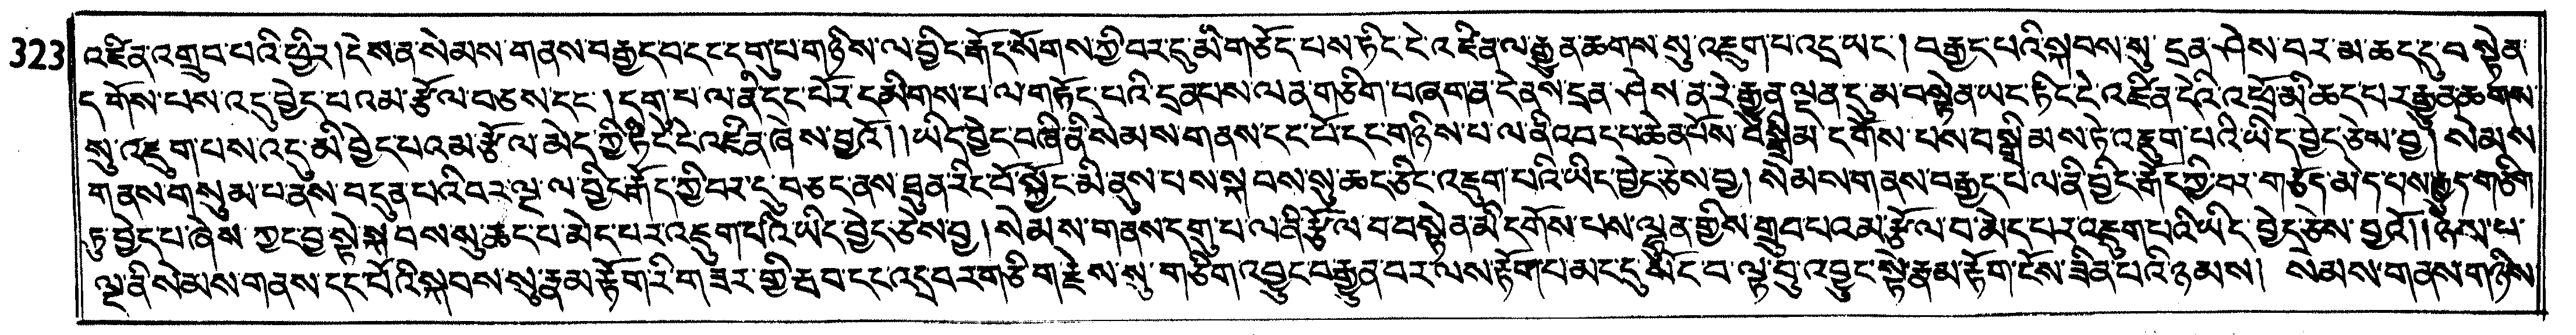འཛིན་འགྲུབ་པའི་ཕྱིར། དེས་ན་སེམས་གནས་བརྒྱད་པ་དང་དགུ་པ་གཉིས་ལ་བྱིང་རྒོད་སོགས་ཀྱི་བར་དུ་མི་གཅོད་པས་ཏིང་ངེ་འཛིན་ལ་རྒྱུན་ཆགས་སུ་འཇུག་པ་འདྲ་ཡང་། བརྒྱད་པའི་སྐབས་སུ་དྲན་ཤེས་བར་མ་ཆད་དུ་བསྟེན་
དགོས་པས་འདུ་བྱེད་པའམ་རྩོལ་བཅས་དང་། དགུ་པ་ལ་ནི་དང་པོར་དམིགས་པ་ལ་གཏོད་པའི་དྲན་པས་ལན་གཅིག་བཞག་ན་དེ་ནས་དྲན་ཤེས་ན་རེ་རྒྱུན་ལྡན་དུ་མ་བསྟེན་ཡང་ཏིང་ངེ་འཛིན་དེའི་འཕྲོ་མི་ཆད་པར་རྒྱུན་ཆགས་
སུ་འཇུག་པས་འདུ་མི་བྱེད་པའམ་རྩོལ་མེད་ཀྱི་ཏིང་ངེ་འཛིན་ཞེས་བྱའོ། །ཡིད་བྱེད་བཞི་ནི་སེམས་གནས་དང་པོ་དང་གཉིས་པ་ལ་ནི་འབད་པ་ཆེན་པོས་བསྒྲིམ་དགོས་པས་བསྒྲིམས་ཏེ་འཇུག་པའི་ཡིད་བྱེད་ཅེས་བྱ། སེམས་
གནས་གསུམ་པ་ནས་བདུན་པའི་བར་ལྔ་ལ་བྱིང་རྒོད་ཀྱི་བར་དུ་བཅད་ནས་ཐུན་རིང་པོ་སྐྱོང་མི་ནུས་པས་སྐབས་སུ་ཆད་ཅིང་འཇུག་པའི་ཡིད་བྱེད་ཅེས་བྱ། སེམས་གནས་བརྒྱད་པ་ལ་ནི་བྱིང་རྒོད་ཀྱི་བར་གཅོད་མེད་པས་རྒྱུད་གཅིག་
ཏུ་བྱེད་པ་ཞེས་ཀྱང་བྱ་སྟེ་སྐབས་སུ་ཆད་པ་མེད་པར་འཇུག་པའི་ཡིད་བྱེད་ཅེས་བྱ། སེམས་གནས་དགུ་པ་ལ་ནི་རྩོལ་བ་བསྟེན་མི་དགོས་པས་ལྷུན་གྱིས་གྲུབ་པའམ་རྩོལ་བ་མེད་པར་འཇུག་པའི་ཡིད་བྱེད་ཅེས་བྱའོ། །ཉེས་པ་
ལྔ་ནི་སེམས་གནས་དང་པོའི་སྐབས་སུ་རྣམ་རྟོག་རི་གཟར་གྱི་རྦབ་དང་འདྲ་བར་གཅིག་རྗེས་སུ་གཅིག་འབྱུང་བ་རྒྱུན་བར་ལས་རྟོག་པ་མང་དུ་སོང་བ་ལྟ་བུ་འབྱུང་སྟེ་རྣམ་རྟོག་ངོས་ཟིན་པའི་ཉམས། སེམས་གནས་གཉིས་